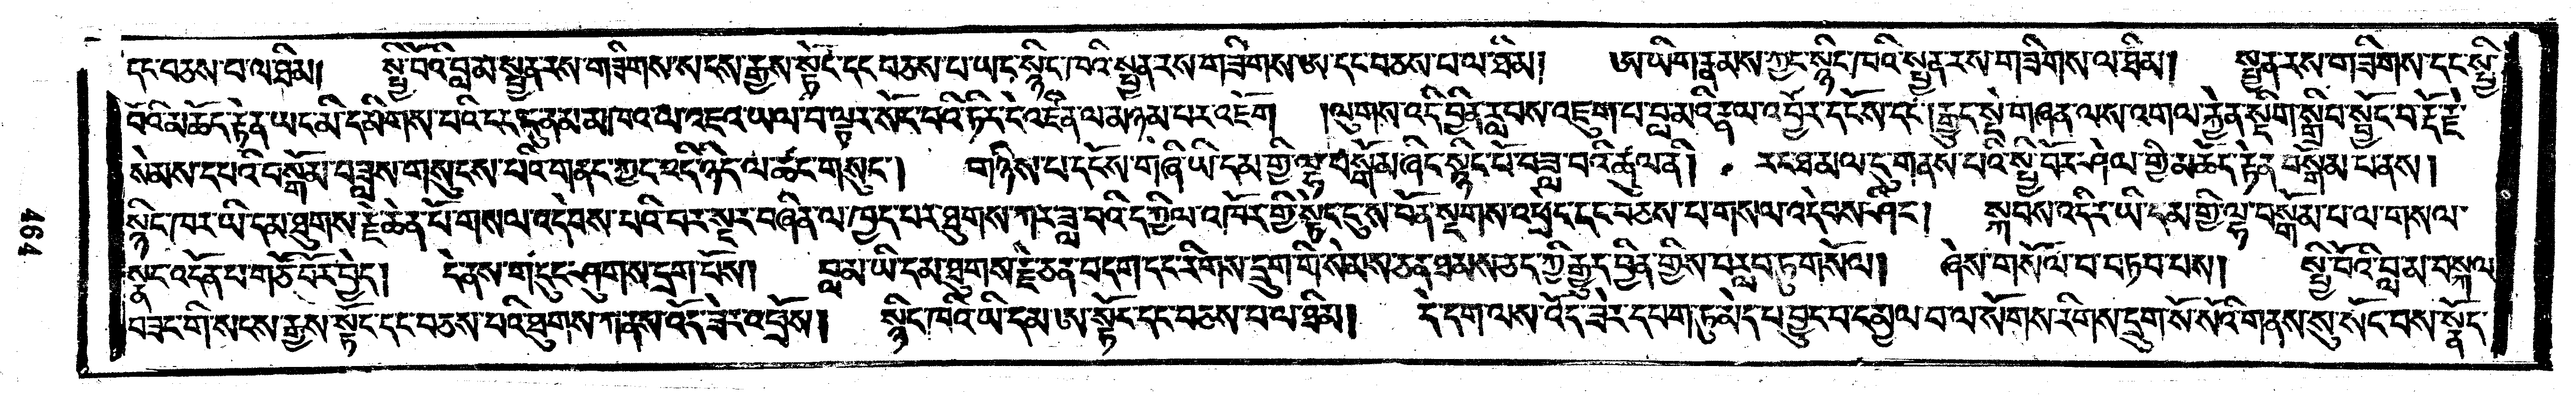དང་བཅས་པ་ལ་ཐིམ། སྤྱི་བོའི་བླ་མ་སྦྱན་རས་གཟིགས་སངས་རྒྱས་སྟོང་དང་བཅས་པ་ཡང་སྙིང་ཁའི་སྤྱན་རས་གཟིགས་ཨ་དང་བཅས་པ་ལ་ཐིམ། ཨ་ཡིག་རྣམས་ཀྱང་སྙིང་ཁའི་སྤྱན་རས་གཟིགས་ལ་ཐིམ། སྤྱན་རས་གཟིགས་དང་སྤྱི་
བོའི་མཆོད་རྟེན་ཡང་མི་དམིགས་པའི་དང་དུ་ནམ་མཁའ་ལ་འཇའ་ཡལ་བ་ལྟར་སོང་བའི་ཏིང་ངེ་འཛིན་ལ་མཉམ་པར་འཇོག །ལུགས་འདི་བྱིན་རླབས་འཇུག་པ་བླ་མའི་རྣལ་འབྱོར་དངོས་དང་། རྒྱུད་སྡེ་གཞན་ལས་འགལ་རྐྱེན་སྡིག་སྒྲིབ་སྦྱོང་བ་རྡོ་རྗེ་
སེམས་དཔའི་བསྒོམ་བཟླས་གསུངས་པའི་གནང་ཀྱང་འདི་ཉིད་ལ་ཚང་གསུང་། གཉིས་པ་དངོས་གཞི་ཡི་དམ་གྱི་ལྷ་བསྒོམ་ཞིང་སྙིང་པོ་བཟླ་བའི་ཚུལ་ནི། རང་ཐ་མལ་དུ་གནས་པའི་སྤྱི་བོར་ཤེལ་གྱི་མཆོད་རྟེན་བསྒོམ་པ་ནས།
སྙིང་ཁར་ཡི་དམ་ཐུགས་རྗེ་ཆེན་པོ་གསལ་འདེབས་པའི་བར་སྔར་བཞིན་ལ་ཁྱད་པར་ཐུགས་ཀར་ཟླ་བའི་དཀྱིལ་འཁོར་གྱི་སྟེང་དུ་ས་བོན་སྔགས་འཕྲེང་དང་བཅས་པ་གསལ་འདེབས་ཤིང་། སྐབས་འདིར་ཡི་དམ་གྱི་ལྷ་བསྒོམ་པ་ལ་གསལ་
སྣང་འདོན་པ་གཙོ་བོར་བྱེད། དེ་ནས་གདུང་ཤུགས་དྲག་པོས། བླ་མ་ཡི་དམ་ཐུགས་རྗེ་ཅན་བདག་དང་རིགས་དྲུག་གི་སེམས་ཅན་ཐམས་ཅད་ཀྱི་རྒྱུར་བྱིན་གྱིས་བརླབ་ཏུ་གསོལ། ཞེས་གསོལ་བ་བཏབ་པས། སྦྱི་བོའི་བླ་མ་བསྐལ་
བཟང་གི་སངས་རྒྱས་སྟོང་དང་བཅས་པའི་ཐུགས་ཀ་ནས་འོད་ཟེར་འཕྲོས། སྙིང་ཁའི་ཡི་དམ་ཨ་སྟོང་དང་བཅས་པ་ལ་ཐིམ། དེ་དག་ལས་འོད་ཟེར་དཔག་ཏུ་མེད་པ་བྱུང་བ་དམྱལ་བ་ལ་སོགས་རིགས་དྲུག་སོ་སོའི་གནས་སུ་སོང་བས་སྣོད་